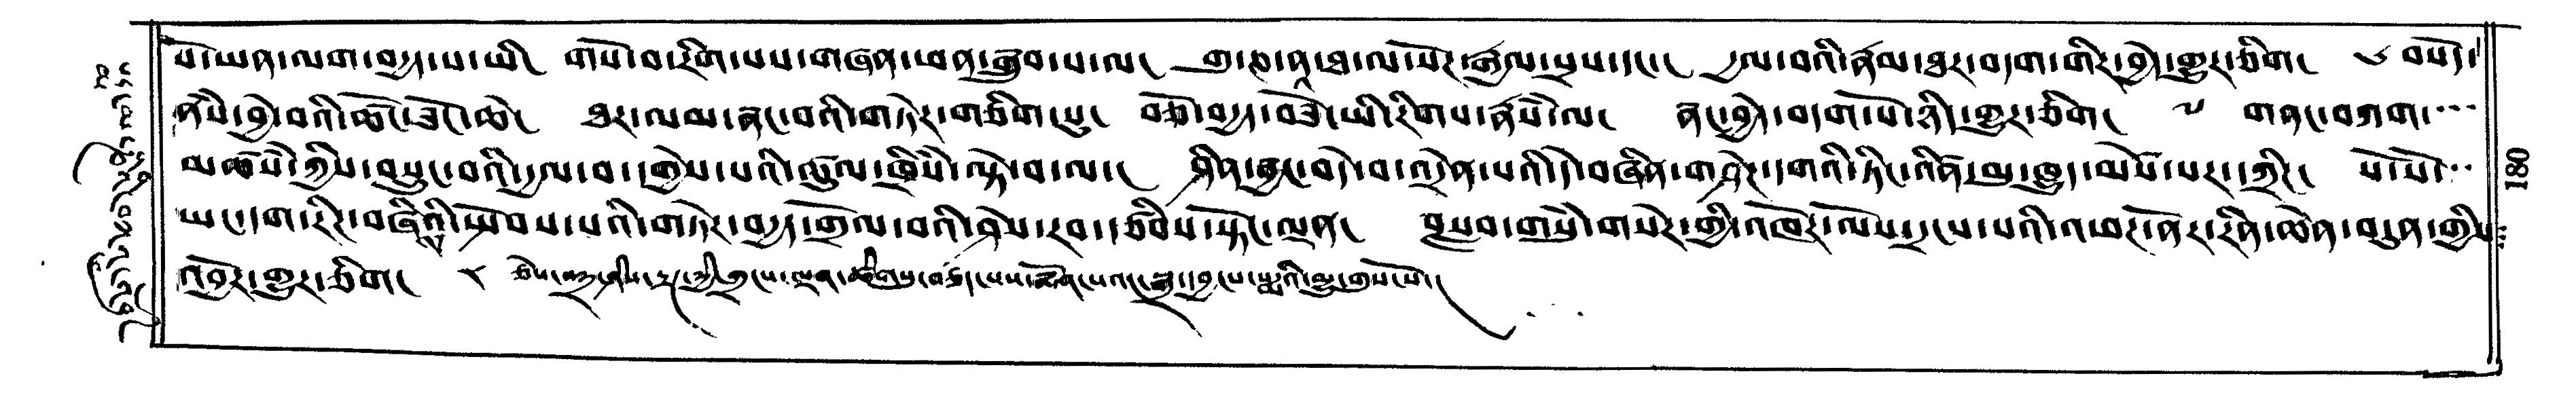པོ་ཡན་ལག་བརྒྱད་པ་ཡི། གསོ་བ་རིག་པས་གཞན་ཕན་སྒྲུབ་པ་ལ།། གུ་ཎ་ནཱ་ཐ་ལ་སོགས་རྒྱལ་སྲས་དང་། །རྒྱལ་བའི་རྣམ་ཐར་བདག་གིར་བྱེད་གྱུར་ཅིག །བསོད་
ནམས་བྱེ་བའི་ཚོང་ཟོང་ཆེ། །ཐར་ལམ་སྣང་བའི་གཏེར་གཅིག་པུ། །བཅོ་བརྒྱད་བཟོ་ཡི་རིགས་རྣམས་ལ། །སྣང་བྱེད་བདག་པོ་ཉིད་གྱུར་ཅིག །གནང་བཀག་
མཚམས་ཀྱིས་སྲུང་བའི་རྒྱལ་བ་དགྱེས་པའི་ཚུལ་ཁྲིམས་ལྟེ་བ་ལ། །ཤིན་སྦྱངས་བདེ་བ་འདྲེན་པའི་དེ་བཞིན་གཤེགས་དགའི་ཏིང་འཛིན་མུ་ཁྱུད་མཛེས་པར་དཀྲིགས། །སོ་སོ་
ཡང་དག་རིག་བཞིའི་སྤོབས་པའི་གཏེར་བརྒྱད་གྲོལ་བའི་ཤེས་རབ་རྩིབས་སྟོང་ལྡན། །བསླབ་གསུམ་གསེར་གྱི་འཁོར་ལོས་དྲངས་པའི་འཕགས་ནོར་རིན་ཆེན་བདུན་གྱིས་
འབྱོར་གྱུར་ཅིག །། ཅེས་བཀྲ་ཤིས་རྟགས་ཀྱི་གྲངས་ལྡན་ཚིགས་སུ་བཅད་པས་སྨོན་པའང་སྒྲ་དབྱངས་པདྨའི་མྱུ་གུས་སོ།། །།